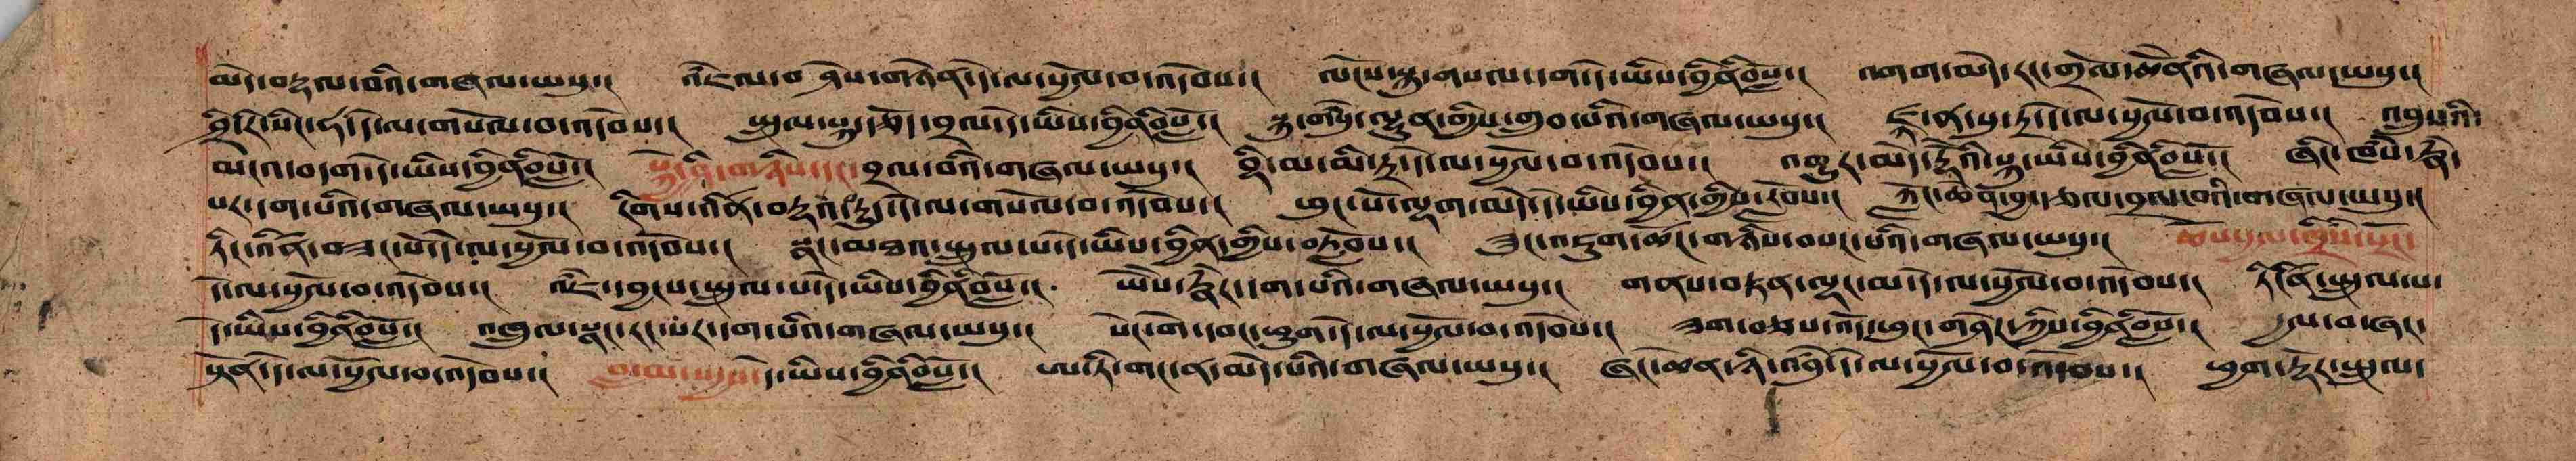མེད་བརྡལ་བའི་གཞལ་ཡས་སུ། འཇམ་བཤེས་གཉེན་དེ་ལ་གསོལ་བ་འདེབས། ལོངས་སྐུ་གསལ་དག་དེ་ཡིས་བྱིན་གྱིས་རློབས། འགག་མེད་རང་གྲོལ་ཆེན་པོའི་གཞལ་ཡས་སུ། 
ཤརི་རི་སེང་ཧ་དེ་ལ་གསོལ་བ་འདེབས། སྤྲུལ་སྐུ་རྩོད་བྲལ་དེ་ཡིས་བྱིན་གྱིས་རློབས། སྐུ་གསུམ་ལྷུན་གྱིས་གྲུབ་པའི་གཞལ་ཡས་སུ། ཛྙ་ན་སུ་ཏྲ་དེ་ལ་གསོལ་བ་འདེབས། འབྲས་བུའི་
མངའ་བདག་དེ་ཡིས་བྱིན་གྱིས་རློབས། སྐྱེ་ཤི་གཉིས་དང་བྲལ་བའི་གཞལ྄་ཡས་སུ། བྷི་མ་མི་ཏྲ་དེ་ལ་གསོལ་བ་འདེབས། འགྱུར་མེད་རྡོ་རྗེའི་སྐུ་ཡིས་བྱིན་གྱིས་རློབས། ཞིང་ཁམས་རྣམ་
པར་དག་པའི་གཞལ་ཡས་སུ། རིགས་འཛིན་བརྡའ་བརྒྱུད་དེ་ལ་གསོལ་བ་འདེབས། ཕུང་པོ་ལྷག་མེད་དེ་ཡིས་བྱིན་གྱིས་རློབས། ཀློང་ཆེན་བྱ་རྩལ་བྲལ་བའི་གཞལ་ཡས་སུ། 
ཏིང་འཛིན་བཟང་པོ་དེ་ལ་གསོལ་བ་འདེབས། སྣང་མཐའ་སཔ྄རུལ་པ་དེ་ཡིས་བྱིན་གྱིས་རློབས། ཟུང་འཇུག་ཚོགས་གྷནིས་བསགས་པའི་གཞལ་ཡས་སུ། ཆོས་རྒྱལ་ཁྲི་སྲོང་
དེ་ལ་གསོལ་བ་འདེབས། འཇམ་དབྱངས་སྤྲུལ་པ་དེ་ཡིས་བྱིན་གྱིས་རློབས། ཡེ་ཤེས་རྣམ་པར་དག་པའི་གཞལ་ཡས་སུ། གནས་བརྟན་ལྷང་མ་དེ་ལ་གསོལ་བ་འདེབས། ཏིང་འཛིན་སྤྲུལ་པ་
དེ་ཡིས་བྱིན་གྱིས་རློབས། འཁྲུལ་སྣང་རང་སར་དག་པའི་གཞལ྄་ཡས་སུ། སེང་གེ་དབང་ཕྱུག་དེ་ལ་གསོལ་བ་འདེབས། ཟག་བཅས་འོད་ཕུང་གཤེགས་ཀྱིས་བྱིན་གྱིས་རློབས། རྒྱལ་བ་ཞང་
ཡོན་ཏན་དེ་ལ་གསོལ་བ་འདེབས། བླ་མ་སངས་རྒྱས་དེ་ཡིས་བྱིན་གྱིས་རློབས། ཨ་ཏི་གང་ན་མེད་པའི་གཞལ་ཡས་སུ། ཞང་ཆེན་ཉི་འབུམ་དེ་ལ་གསོལ་བ་འདེབས། ཕྱག་རྡོ་སྤྲུལ་